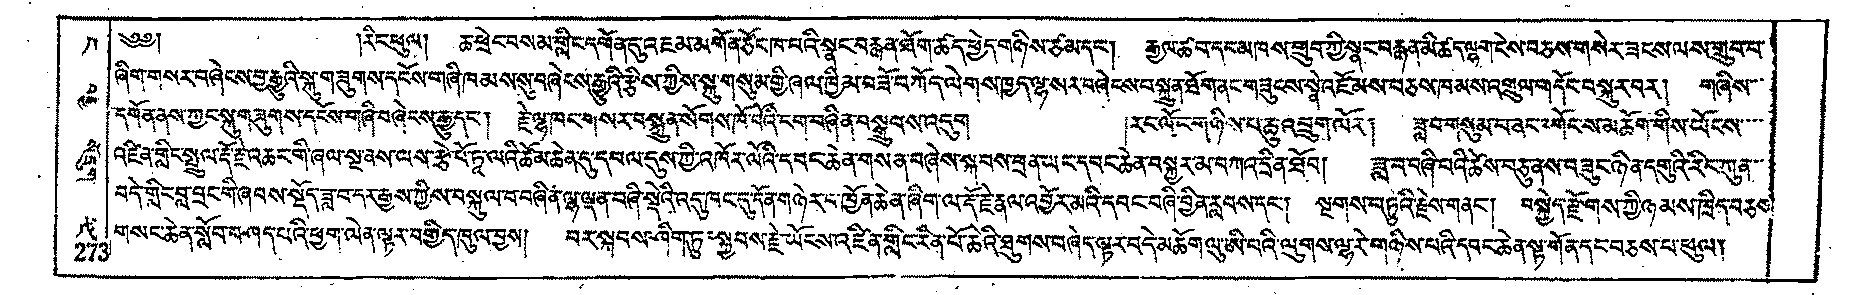༄༅། །རིང་ཕུལ། ཆ་ཕྲེང་བསམ་གླིང་དགོན་དུ་འཇམ་མགོན་ཙོང་ཁ་པའི་སྣང་བརྙན་ཐོག་ཚད་ཕྱེད་གཉིས་ཙམ་དང་། རྒྱལ་ཚབ་དང་མཁས་གྲུབ་ཀྱི་སྣང་བརྙན་མི་ཚད་ལྷག་ངེས་བཅས་གསེར་ཟངས་ལས་གྲུབ་པ་
ཞིག་གསར་བཞེངས་བྱ་རྒྱུའི་སྐུ་གཟུགས་དངོས་གཞི་ཁམས་སུ་བཞེངས་རྒྱུའི་རྩིས་ཀྱིས་སྐུ་གསུམ་གྱི་ཞལ་ཁྱིམ་བཟོ་བཀོད་ལེགས་ཁྱད་ལྷ་སར་བཞེངས་བསྐྲུན་ཐོག་ནང་གཟུངས་སྣེ་འཛོམས་བཅས་ཁམས་འགྲུལ་གདོང་བསྐུར་བར། གཞིས་
དགོན་ནས་ཀྱང་སྐུ་གཟུགས་དངོས་གཞི་བཞེངས་རྒྱུ་དང་། རྗེ་ལྷ་ཁང་གསར་བསྐྲུན་སོགས་ཁོ་བོའི་ངག་བཞིན་བསྒྲུབས་འདུག །རང་ལོ་ང་གཉིས་པ་ཆུ་འབྲུག་ལོར། ཟླ་བ་གསུམ་པ་ནང་༧གོང་ས་མཆོག་གིས་ཡོངས་
འཛིན་གླིང་སྤྲུལ་རྡོ་རྗེ་འཆང་གི་ཞལ་སྔ་ནས་ལས་རྩེ་པོ་ཏཱ་ལའི་ཚོམ་ཆེན་དུ་དཔལ་དུས་ཀྱི་འཁོར་ལོའི་དབང་ཆེན་གསན་བཞེས་སྐབས་ཕྲན་ཡང་དབང་ཆེན་བསྐྱར་མ་བཀའ་དྲིན་ཐོབ། ཟླ་བ་བཞི་པའི་ཚེས་བཅུ་ནས་བཟུང་ཉིན་དགུའི་རིང་ཀུན་
བདེ་གླིང་བླ་བྲང་གི་ཞབས་སྡོད་ཟླ་བ་དར་རྒྱས་ཀྱིས་བསྐུལ་བ་བཞིན་ལྷ་ལྡན་བཞི་སྡེའི་འདུ་ཁང་དུ་དོན་གཉེར་བ་ཁྱོན་ཆེན་ཞིག་ལ་རྡོ་རྗེ་རྣལ་འབྱོར་མའི་དབང་བཞི་བྱིན་རླབས་དང་། སྔགས་བཏུའི་རྗེས་གནང་། བསྐྱེད་རྫོགས་ཀྱི་ཉམས་ཁྲིད་བཅས་
གསང་ཆེན་སློབ་བཤད་པའི་ཕྱག་ལེན་ལྟར་བགྱིད་ཁུལ་བྱས། བར་སྐབས་ཤིག་ཏུ་༧སྐྱབས་རྗེ་ཡོངས་འཛིན་གླིང་རིན་པོ་ཆེའི་ཐུགས་བཞེད་ལྟར་བདེ་མཆོག་ལུ་ཨི་པའི་ལུགས་ལྷ་རེ་གཉིས་པའི་དབང་ཆེན་སྟ་གོན་དང་བཅས་པ་ཕུལ།